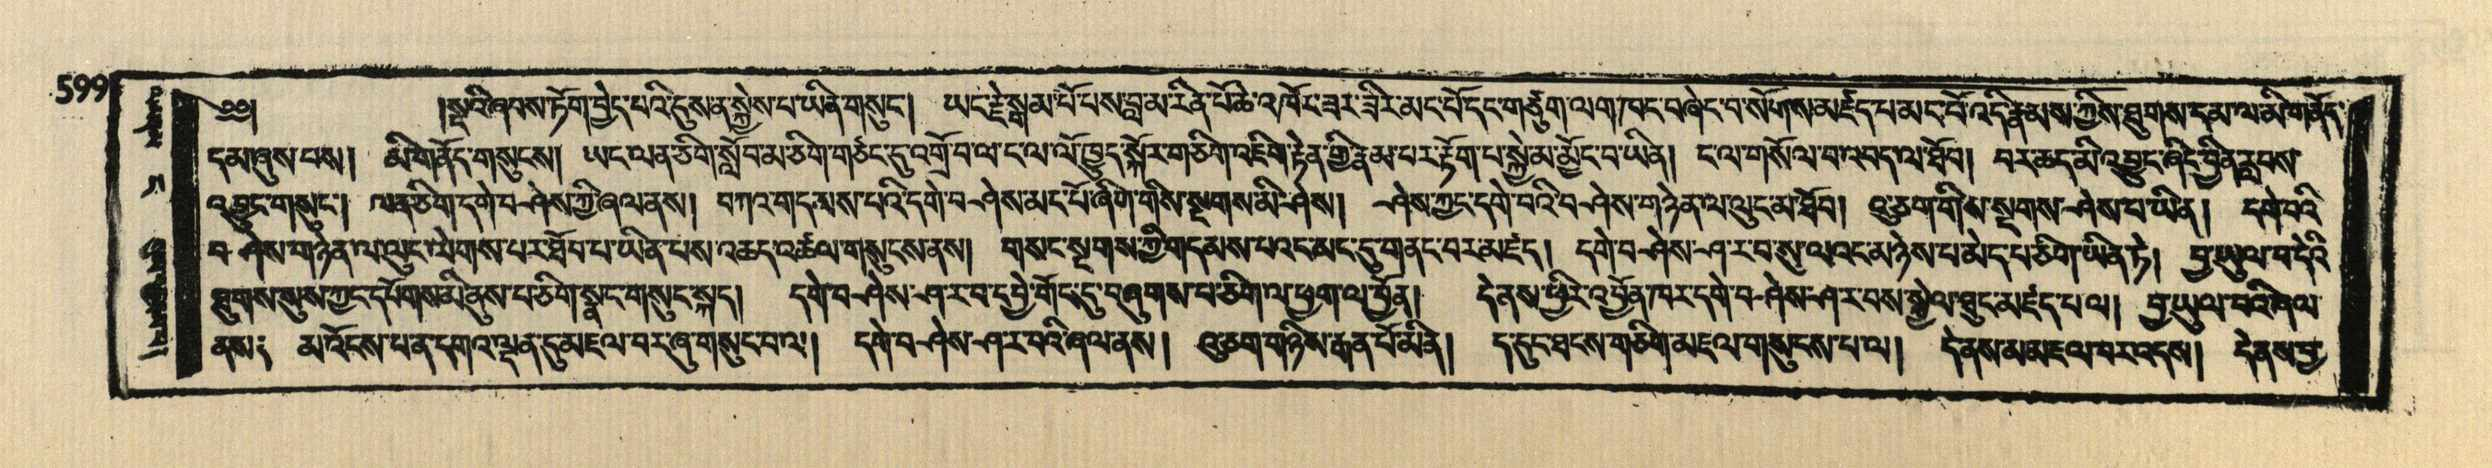༄༅། །སྔའི་ཞབས་ཏོག་བྱེད་པའི་དུས་ན་སྐྱེས་པ་ཡིན་གསུང་། ཡང་རྗེ་སྒམ་པོ་པས་བླ་མ་རིན་པོ་ཆེ་འཁོར་ཟར་ཟིར་མང་པོ་དང་གཙུག་ལག་ཁང་བཞེང་བ་སོགས་མཛད་པ་མང་པོ་འདི་རྣམས་ཀྱིས་ཐུགས་དམ་ལ་མི་གནོད་
དམ་ཞུས་པས། མི་གནོད་གསུངས། ཡང་ལན་ཅིག་སློབ་མ་ཅིག་གཙང་དུ་འགྲོ་བ་ལ་ང་ལ་ལོ་ཁྱུད་སྐོར་གཅིག་འཇིག་རྟེན་གྱི་རྣམ་པར་རྟོག་པ་སྐྱེ་མ་མྱོང་བ་ཡིན། ང་ལ་གསོལ་བ་འབད་ལ་ཐོབ། བར་ཆད་མི་འབྱུང་ཞིང་བྱིན་རླབས་
འབྱུང་གསུང་། ལན་ཅིག་དགེ་བཤེས་ཀྱི་ཞལ་ནས། བཀའ་གདམས་པའི་དགེ་བཤེས་མང་པོ་ཞིག་གིས་སྔགས་མི་ཤེས། ཤེས་ཀྱང་དགེ་བའི་བཤེས་གཉེན་ལ་ལུང་མ་ཐོབ། འུ་ཅག་གིས་སྔགས་ཤེས་པ་ཡིན། དགེ་བའི་
བཤེས་གཉེན་ལ་ལུང་ལེགས་པར་ཐོབ་པ་ཡིན་པས་འཆད་འཚལ་གསུངས་ནས། གསང་སྔགས་ཀྱི་གདམས་པའང་མང་དུ་གནང་བར་མཛད། དགེ་བཤེས་ཤ་ར་བ་སུ་ལའང་མཉེས་པ་མེད་པ་ཅིག་ཡིན་ཏེ། བྱ་ཡུལ་བ་དེའི་
ཐུགས་སུས་ཀྱང་དཔོགས་མི་ནུས་པ་ཅིག་སྣང་གསུང་སྐད། དགེ་བཤེས་ཤ་ར་བ་དབྱེ་གོང་དུ་བཞུགས་པ་ཅིག་ལ་ཕྱག་ལ་བྱོན། དེ་ནས་ཕྱིར་འབྱོན་ཁར་དགེ་བཤེས་ཤ་ར་བས་སྐྱེལ་ཐུང་མཛད་པ་ལ། བྱ་ཡུལ་བའི་ཞལ་
ནས༑ མ་འོངས་པ་ན་དགའ་ལྡན་དུ་མཇལ་བར་ཞུ་གསུང་བ་ལ། དགེ་བཤེས་ཤ་ར་བའི་ཞལ་ནས། འུ་ཅག་གཉིས་རྒན་པོ་མིན། ད་དུང་ཐང་གཅིག་མཇལ་གསུངས་པ་ལ། དེ་ནས་མ་མཇལ་བར་འདས། དེ་ནས་བྱ་